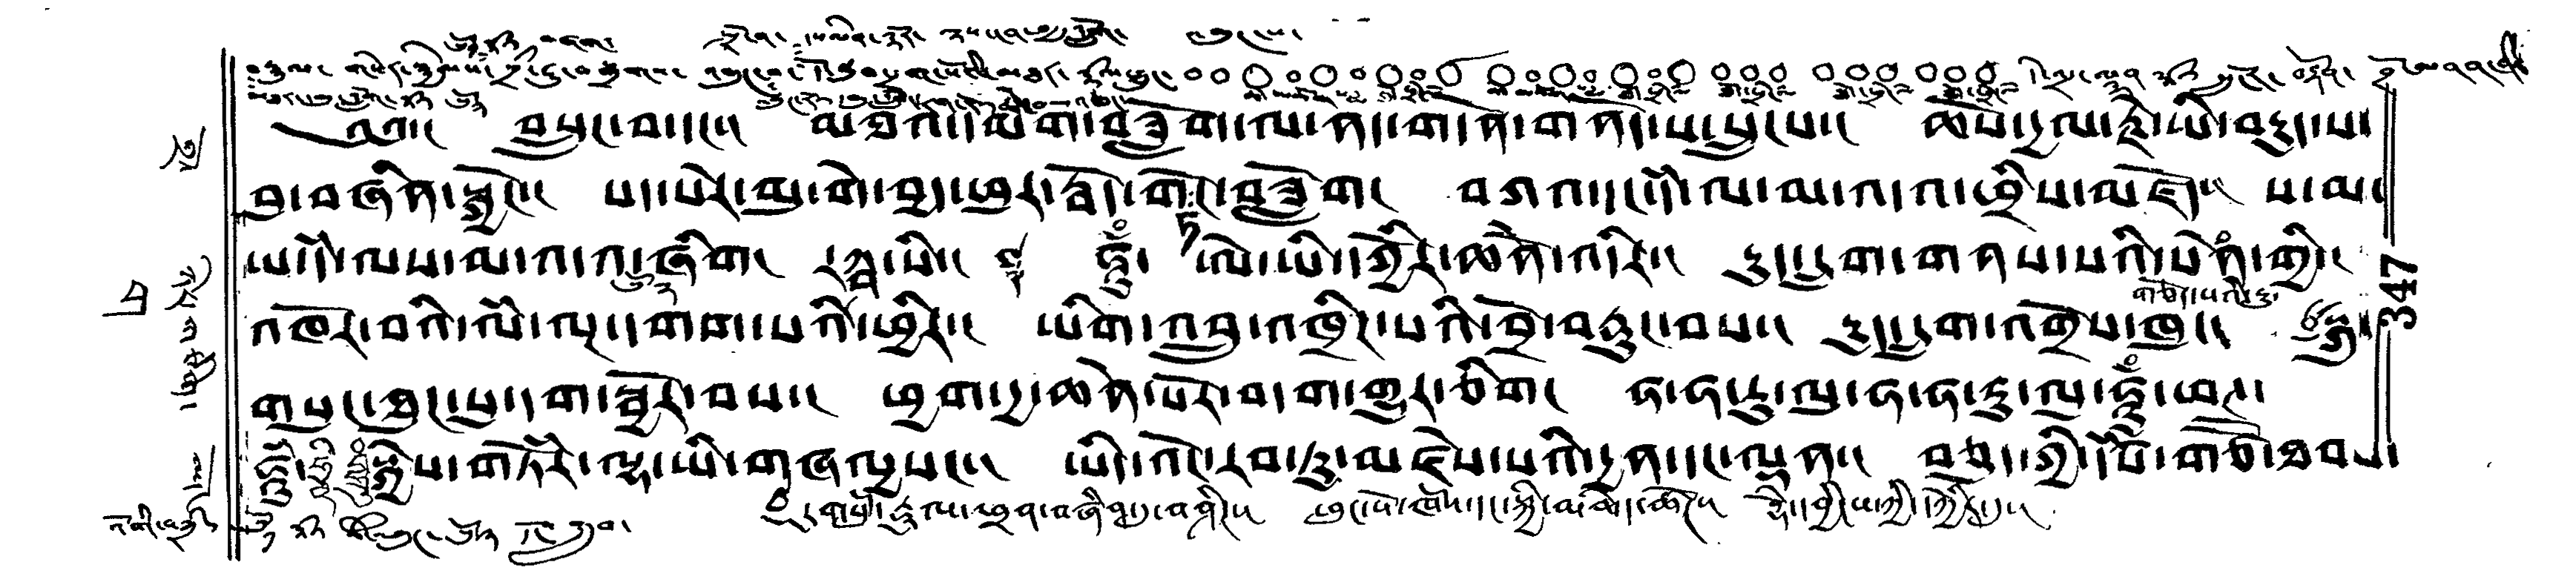བསྲུང་བ་དང་། །མཐའ་དམག་བཟློག་ལ་ནད་གདོན་གནོད་པ་སྲུངས།ཆོས་རྒྱལ་རྗེ་ཡི་བརྒྱུད་པ་
བུ་བཞིན་སྐྱོངས། །སད་སེར་མུ་གེ་བྱད་ཕུར་རྦོད་གཏོང་བཟློག །བཀའ་དང་དམ་ལ་མ་འདའ་ཕྲིན་ལས་མཛོད། །ས་མ་
ཡ་དམ་ལས་མ་འདའ་ཞིག རཀྴ་སི། ཧཱུྃ། ཨེ་ཡི་དཀྱིལ་འཁོར་ཆེན་པོ་འདིར། །རྒྱུད་དྲུག་གནས་པའི་སེམས་ཅན་གྱི། །
འཁོར་བའི་ལམ་ལྔ་དགག་པའི་ཕྱིར། །ཡིག་འབྲུ་འཁྲིགས་པའི་བྲོ་བརྡུང་བས། །རྒྱུད་དྲུག་འགྲོས་ཁུང་གཅོད་པའི་རྒྱུ། །དུག་གསུམ་རྡུལ་ཕྲན་བཞིན་དུ་བཤིགས། །ཕུང་པོ་ཁམས་དང་སྐྱེ་མཆེད་ཚོགས། །རྡོ་རྗེ་དབྱིངས་ཀྱི་དཀྱིལ་འཁོར་དུ། །སྐུ་
གསུང་ཐུགས་སུ་དག་སྦྱོར་བས། །ཕྱག་རྒྱ་ཆེན་པོར་བདག་གྱུར་ཅིག ཧ་ཧ་རུ་ལུ་ཧ་ཧ་རུ་ལུ་ཧཱུྃ་ཕཊཿ 
ཧཱུྃ་ཧྲཱིཿ བྷྲུཾ་སྐྱེས་གཏོར་མ་ལྷ་ཡི་གཞལ་ཡས་ཁང་། །ཡིད་འོང་རབ་ཏུ་མཛེས་པའི་རྒྱན་དང་ལྡན། །བཅུད་ཀྱི་དམ་རྫས་གཙོ་བོ་ཐབས་